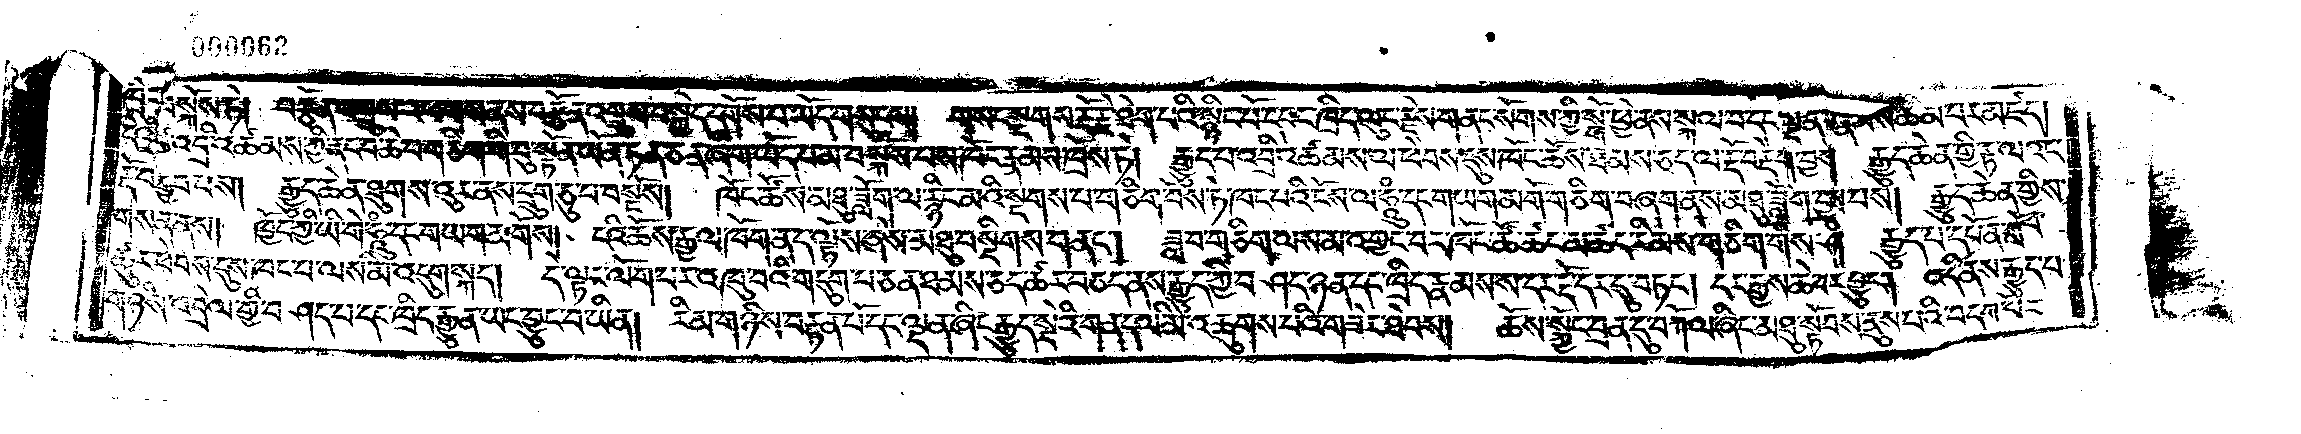ཁྲིར་བསྐོས་ཏེ། བརྩོན་འགྲུས་འཕགས་ནས་བརྩོན་འགྲུས་བསྐྱེད་དགོས་པ་ཡོད་གསུངས། གསང་སྔགས་རྡོ་རྗེ་ཐེག་པའི་སྙིང་པོ་དབང་ཁྲིད་ལུང་རྗེས་གནང་སོགས་ཀྱི་སྒོ་ཕྱེ་ནས་སྐལ་བ་དང་ལྡན་པ་རྣམས་ཆིམ་པར་མཛད།
དེའི་ཚེ་འདྲི་འཚམས་ཀྱི་ནང་བ་ཆེ་བ་གཅིག་གི་བུ་སྟོན་ཡོན་ཏན་ཅན་ཞིག་ཡོད་པ་མ་བསྐོས་པས་ཁོང་རྣམས་ཁྲོས་ཏེ། རྒྱུད་པ་འབྲི་འཚམས་ལ་ཕེབས་དུས་ཁོང་ཚོས་ཐམས་ཅད་ལ་རྡོ་བརྡེག་བྱས། རྒྱུད་ཆེན་གྱི་རྟ་ལའང་
རྡོ་བརྒྱབ་པས། རྒྱུད་ཆེན་ཐུགས་འུར་ནས་དྲུག་ཅུ་པ་བསྔོས། ཁོང་ཚོས་མཐུ་ཟློག་ལ་རྙིང་མའི་སྔགས་པ་གཅིག་བོས་ཏེ་ཁང་པའི་ངོས་ལ་ཧཱུཾ་དང་གཡག་མགོ་གཅིག་བཞག་ནས་མཐུ་ཟློག་བྱས་པས། རྒྱུད་ཆེན་གྱིས་
གསན་ནས། ཁྱོད་ཀྱི་ཡི་གེ་ཧཱུཾ་དང་གཡག་མགོས། ངའི་ཆོས་རྒྱལ་ཁོག་ནད་ལྟོས་ཞེས་མ་ཐུ་བསྡིགས་གནང་། ཟླ་བ་གཅིག་ལས་མ་འགྱང་བར་ཁོང་ཚོ་ཚང་མ་ཚད་རིམས་གཅིག་གིས་ཤི། རྒྱུད་པ་དཔོན་སློབ་
ཚུར་ཕེབས་དུས་ཁང་པ་ལས་མི་འདུག་སྐད། དེ་ལྟར་ལོག་པར་འཁུ་བའི་གདུག་པ་ཅན་ཐམས་ཅད་ཚར་བཅད་ནས་རྒྱུད་ཀྱི་བཤད་ཉན་དང་ཕྲིད་རྣམས་ས་དར་རྡོ་དར་དུ་བཏང་། དར་རྒྱས་ཆེ་བར་བྱུང་། འདི་ནས་རྒྱུད་པ་
གཉིས་འབྲེལ་གྱི་བཤད་པ་དང་ཁྲིད་རྒྱུན་ཡང་བྱུང་བ་ཡིན། རིམ་གཉིས་བརྟན་པོ་དང་ལྡན་ཞིང་རྒྱུད་སྡེའི་གནད་ལ་མི་འཆུགས་པའི་གཟེར་ཐེབས། ཆོས་སྐྱོང་བྲན་དུ་བཀོལ་ཞིང་མཐུ་སྟོབས་ནུས་པའི་བདག་པོར་